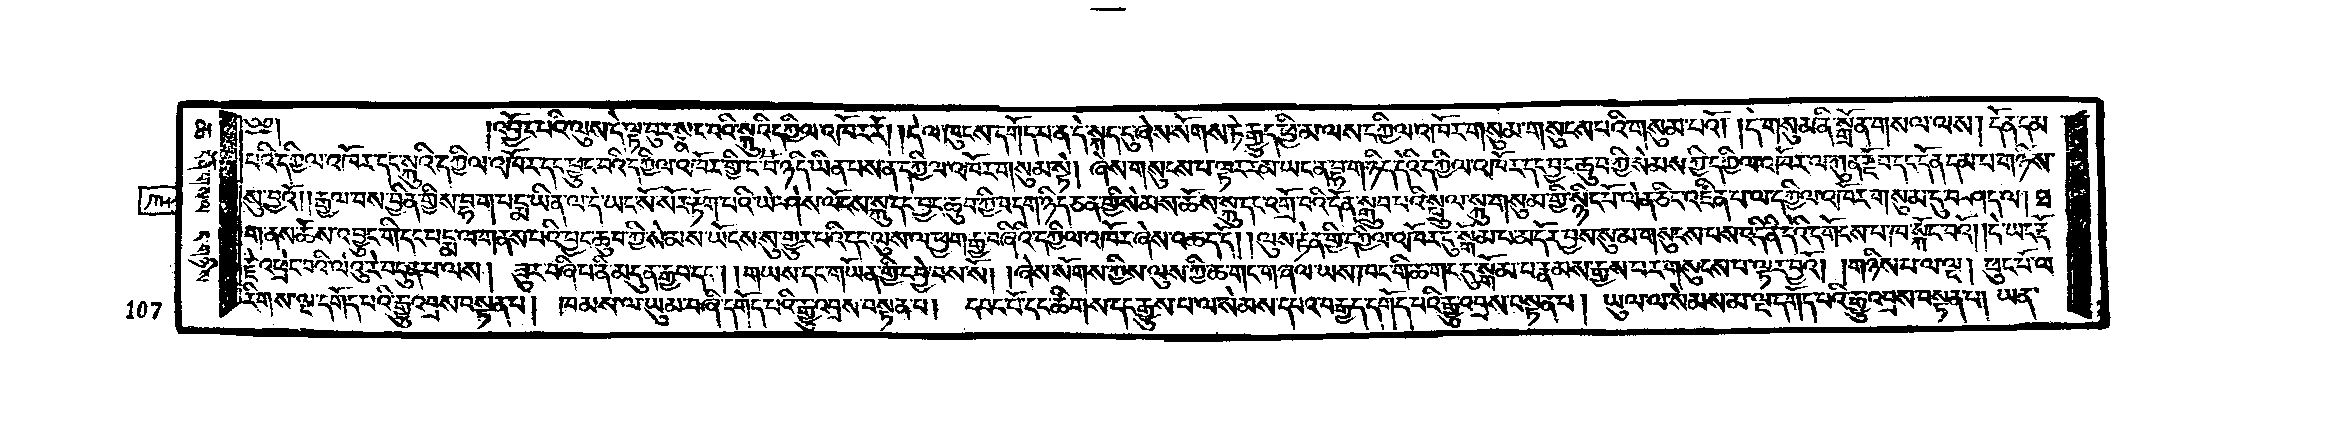༄༅། །འབྱོར་བའི་ལུས་དེ་ལྟ་བུར་སྣང་བའི་སྐུའི་དཀྱིལ་འཁོར་རོ། །དེ་ལ་ཁུངས་དགོད་པ་ན་དེ་སྐད་དུ་ཞེས་སོགས་ཏེ་རྒྱུད་ཕྱི་མ་ལས་དཀྱིལ་འཁོར་གསུམ་གསུངས་པའི་གསུམ་པའོ། །དེ་གསུམ་ནི་སྒྲོན་གསལ་ལས། དོན་དམ་
པའི་དཀྱིལ་འཁོར་དང་སྐུའི་དཀྱིལ་འཁོར་དང་ཕྱུང་བའི་དཀྱིལ་འཁོར་གྱི་ངོ་བོ་ཉིད་ཡིན་པས་ན་དཀྱིལ་འཁོར་གསུམ་སྟེ། ཞེས་གསུངས་པ་ལྟར་རམ་ཡང་ན་བྷ་ག་ཉིད་དེའི་དཀྱིལ་འཁོར་དང་བྱང་ཆུབ་ཀྱི་སེམས་ཀྱི་དཀྱིལ་འཁོར་ལ་ཀུན་རྫོབ་དང་དོན་དམ་པ་གཉིས་
སུ་བྱའོ། །རྒྱལ་བས་བྱིན་གྱིས་བྷ་ག་པདམ་ཡིན་ལ་དེ་ཡང་སོ་སོར་རྟོག་པའི་ཡེ་ཤེས་ལོངས་སྐུ་དང་བྱང་ཆུབ་ཀྱི་བདག་ཉིད་ཅན་གྱི་སེམས་ཆོས་སྐུ་དང་འགྲོ་བའི་དོན་སྒྲུབ་པའི་སྤྲུལ་སྐུ་གསུམ་གྱི་སྙིང་པོ་ལེན་ཅིང་འཛིན་པ་ལ་དཀྱིལ་འཁོར་གསུམ་དུ་བཤད་ལ། ཐ་
ག་ནས་ཆོས་འབྱུང་གི་དང་པདམ་ལ་གནས་པའི་བྱང་ཆུབ་ཀྱི་སེམས་ཡོངས་སུ་གྱུར་པའི་དང་ལུས་ལ་ཕྱག་རྒྱ་བཞིའི་དཀྱིལ་འཁོར་ཞེས་འཆད་དོ། །ལུས་རྟེན་གྱི་དཀྱིལ་འཁོར་དུ་སྒོམ་པ་མདོར་བྱས་སུ་མ་གསུངས་པས་འདི་ནི་དེའི་དགོངས་པ་ཁ་སྐོང་བའོ། །དེ་ཡང་རྡོ་
རྗེ་འཕྲེང་བའི་ལེའུ་རེ་བདུན་པ་ལས། ཟུར་བཞི་པ་ནི་མདུན་རྒྱབ་དང་། །གཡས་དང་གཡོན་གྱི་དབྱེ་བས་སོ། །ཞེས་སོགས་ཀྱིས་ལུས་ཀྱི་ཆ་གང་གཞལ་ཡས་ཁང་གི་ཆ་གང་དུ་སྒོམ་པ་རྣམས་རྒྱས་པར་གསུངས་པ་ལྟར་བྱའོ། །གཉིས་པ་ལ་ལྔ། ཕུང་པོ་ལ་
རིགས་ལྔ་དགོད་པའི་རྒྱུ་འབྲས་བསྟན་པ། ཁམས་ལ་ཡུམ་བཞི་དགོད་པའི་རྒྱུ་འབྲས་བསྟན་པ། དབང་པོ་དང་ཚིགས་དང་རྒྱུས་པ་ལ་སེམས་དཔའ་བརྒྱད་དགོད་པའི་རྒྱུ་འབྲས་བསྟན་པ། ཡུལ་ལ་སེམས་མ་ལྔ་དགོད་པའི་རྒྱུ་འབྲས་བསྟན་པ། ཡན་